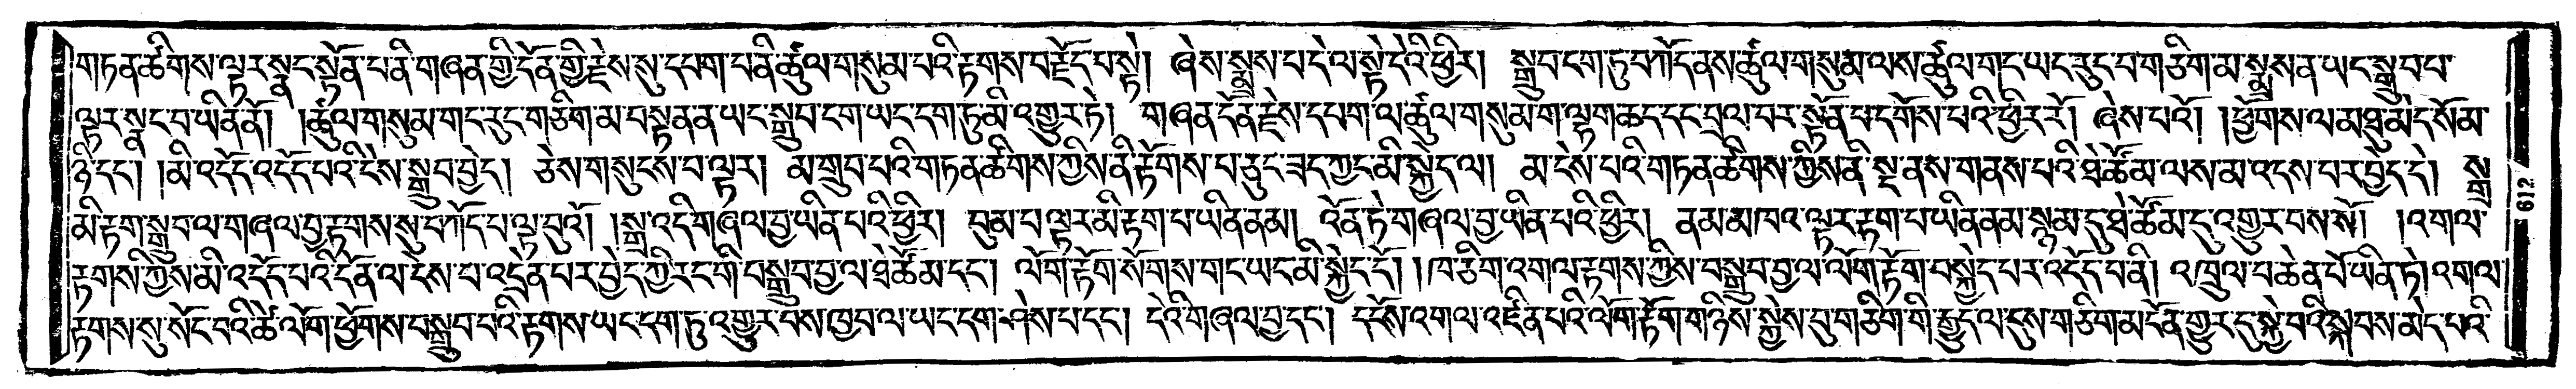གཏན་ཚིགས་ལྟར་སྣང་སྟོན་པ་ནི་གཞན་གྱི་དོན་གྱི་རྗེས་སུ་དཔག་པ་ནི་ཚུལ་གསུམ་པའི་རྟགས་བརྗོད་པ་སྟེ། ཞེས་སྨྲས་པ་དེ་ལ་སྟེ་དེའི་ཕྱིར། སྒྲུབ་ངག་ཏུ་བཀོད་ནས་ཚུལ་གསུམ་ལས་ཚུལ་གང་ཡང་རུང་བ་གཅིག་མ་སྨྲས་ན་ཡང་སྒྲུབ་པ་
ལྟར་སྣང་བ་ཡིན་ནོ། །ཚུལ་གསུམ་གང་རུང་གཅིག་མ་བསྟན་ན་ཡང་སྒྲུབ་ངག་ཡང་དག་ཏུ་མི་འགྱུར་ཏེ། གཞན་དོན་རྗེས་དཔག་ལ་ཚུལ་གསུམ་ག་ལྷག་ཆད་དང་བྲལ་བར་སྟོན་པ་དགོས་པའི་ཕྱིར་རོ། ཞེས་པའོ། །ཕྱོགས་ལ་མཐུ་མེད་སོམ་
ཉི་དང་། །མི་འདོད་འདོད་པའི་ངེས་སྒྲུབ་བྱེད། ཅེས་གསུངས་པ་ལྟར། མ་གྲུབ་པའི་གཏན་ཚིགས་ཀྱིས་ནི་རྟོགས་པ་ཅུང་ཟད་ཀྱང་མི་སྐྱེད་ལ། མ་ངེས་པའི་གཏན་ཚིགས་ཀྱིས་ནི་སྔ་ནས་གནས་པའི་ཐེ་ཚོམ་ལས་མ་འདས་པར་བྱེད་དེ། སྒྲ་
མི་རྟག་སྒྲུབ་ལ་གཞལ་བྱ་རྟགས་སུ་བཀོད་པ་ལྟ་བུའོ། །སྒྲ་འདི་གཞལ་བྱ་ཡིན་པའི་ཕྱིར། བུམ་པ་ལྟར་མི་རྟག་པ་ཡིན་ནམ། འོན་ཏེ་གཞལ་བྱ་ཡིན་པའི་ཕྱིར། ནམ་མཁའ་ལྟར་རྟག་པ་ཡིན་ནམ་སྙམ་དུ་ཐེ་ཚོམ་དུ་འགྱུར་བས་སོ། །འགལ་
རྟགས་ཀྱིས་མི་འདོད་པའི་དོན་ལ་ངེས་པ་འདྲེན་པར་བྱེད་ཀྱི་རང་གི་བསྒྲུབ་བྱ་ལ་ཐེ་ཚོམ་དང་། ལོག་རྟོག་སོགས་གང་ཡང་མི་སྐྱེད་དོ། །ཁ་ཅིག་འགལ་རྟགས་ཀྱིས་བསྒྲུབ་བྱ་ལ་ལོག་རྟོག་བསྐྱེད་པར་འདོད་པ་ནི། འཁྲུལ་པ་ཆེན་པོ་ཡིན་ཏེ། འགལ་
རྟགས་སུ་སོང་བའི་ཚེ་ལོག་ཕྱོགས་བསྒྲུབ་པའི་རྟགས་ཡང་དག་ཏུ་འགྱུར་བས་ཁྱབ་ལ་ཡང་དག་ཤེས་པ་དང་། དེའི་གཞལ་བྱ་དང་། དངོས་འགལ་འཛིན་པའི་ལོག་རྟོག་གཉིས་སྐྱེས་བུ་གཅིག་གི་རྒྱུད་ལ་དུས་གཅིག་མངོན་གྱུར་དུ་སྐྱེ་བའི་སྐབས་མེད་པའི་